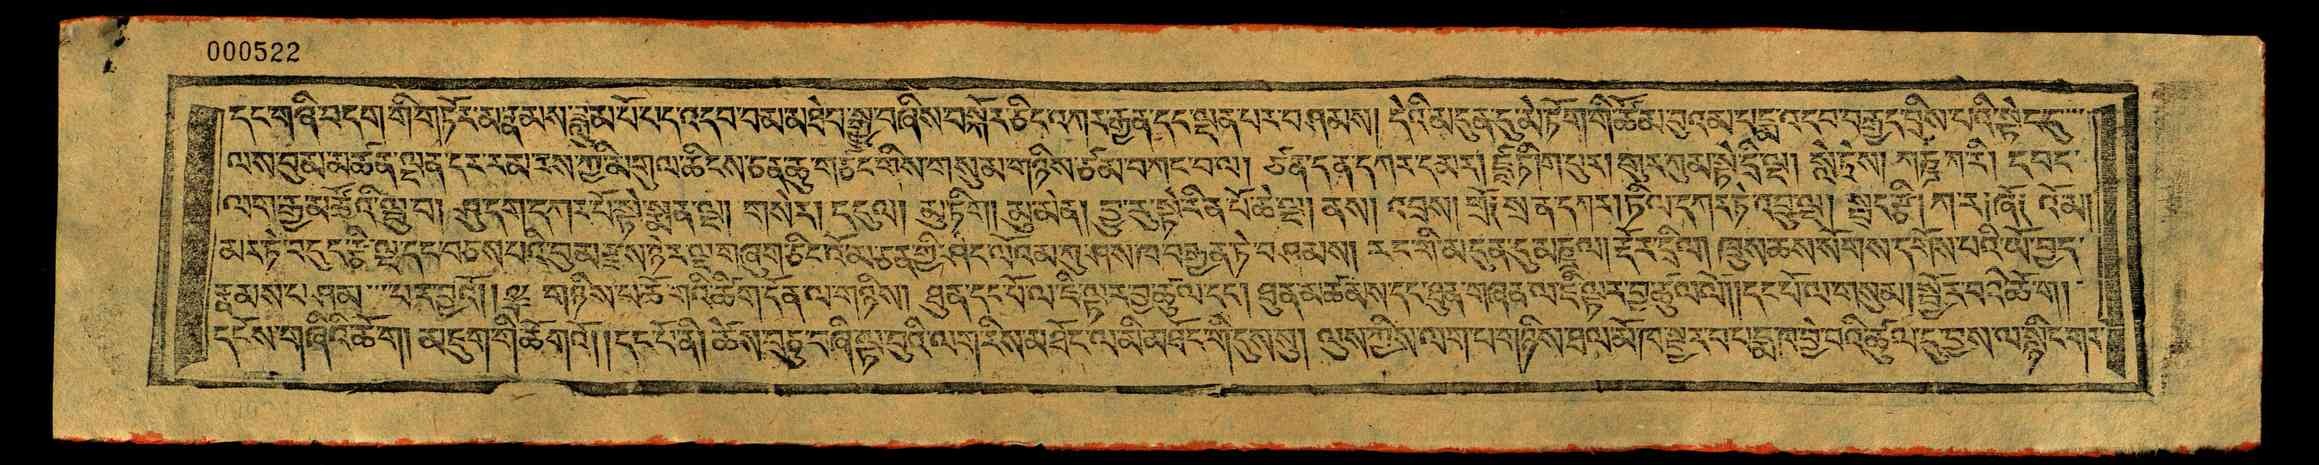དང་གཞི་བདག་གི་གཏོར་མ་རྣམས་ཟླུམ་པོ་པད་འདབ་བམ་མཐེབ་སྐྱུ་བཞིས་བསྐོར་ཅིང་དཀར་རྒྱན་དང་ལྡན་པར་བཤམས། དེའི་མདུན་དུ་མེ་ཏོག་གི་ཚོམ་བུའམ་པདམ་འདབ་བརྒྱད་བྲིས་པའི་སྟེང་དུ་
ལས་བུམ་མཚན་ལྡན་དར་རམ་རས་ཀྱི་མགུལ་ཆིངས་ཅན་ཆུ་གཙང་གིས་གསུམ་གཉིས་ཙམ་བཀང་བ་ལ། ཙན་དན་དཀར་དམར། ཛཱ་ཏི། ག་པུར། གུར་ཀུམ་སྟེ་དྲི་ལྔ། སླེ་ཏྲེས། ཀཎྜ་ཀ་རི། དབང་
ལག་རྒྱ་མཚོའི་ཝུ་བ། ཤུ་དག་དཀར་པོ་སྟེ་སྨན་ལྔ། གསེར། དངུལ། མུ་ཏིག། མུ་མེན། བྱུ་རུ་སྟེ་རིན་པོ་ཆེ་ལྔ། ནས། འབྲས། གྲོ༑ སྲན་དཀར། ཏིལ་དཀར་ཏེ་འབྲུ་ལྔ། སྦྲང་རྩི། ཀ་ར། ཞོ༑ འོ་མ་
མར་ཏེ་བདུད་རྩེ་ལྔ་དང་བཅས་པའི་བུམ་རྫས་ཉེར་ལྔ་གཞག་ཅིང་འོ་མ་ཅན་གྱི་ཤིང་ལོའམ་ཀུ་ཤས་ཁ་བརྒྱན་ཏེ་བཤམས། རང་གི་མདུན་དུ་མཎྜལ། རྡོར་དྲིལ། ཁྲུས་ཆས་སོགས་དགོས་པའི་ཡོ་བྱད་
རྣམས་བཤམ་པར་བྱའོ། ༈ གཉིས་པ་ཆོ་གའི་ཚིག་དོན་ལ་གཉིས། ཐུན་དང་པོ་ལ་དེ་ལྟར་བྱ་ཚུལ་དང་། ཐུན་མཚམས་དང་ཐུན་གཞན་ལ་ཇི་ལྟར་བྱ་ཚུལ་ལོ། །དང་པོ་ལ་གསུམ། སྦྱོར་པའི་ཆོ་ག།
དངོས་གཞིའི་ཆོ་ག། མཇུག་གི་ཚོ་གའོ། །དང་པོ་ནི། ཚེས་བཅུ་བཞི་ལྟ་བུའི་ལག་རིས་མཐོང་ལ་མི་མཐོང་གི་དུས་སུ། ལུས་ཀྱིས་ལག་པ་གཉིས་ཐལ་མོ་ཁ་སྤྱར་བ་པདམ་ཁ་བྱེ་བའི་ཚུལ་དུ་བྱས་ལ་སྙིང་གར་